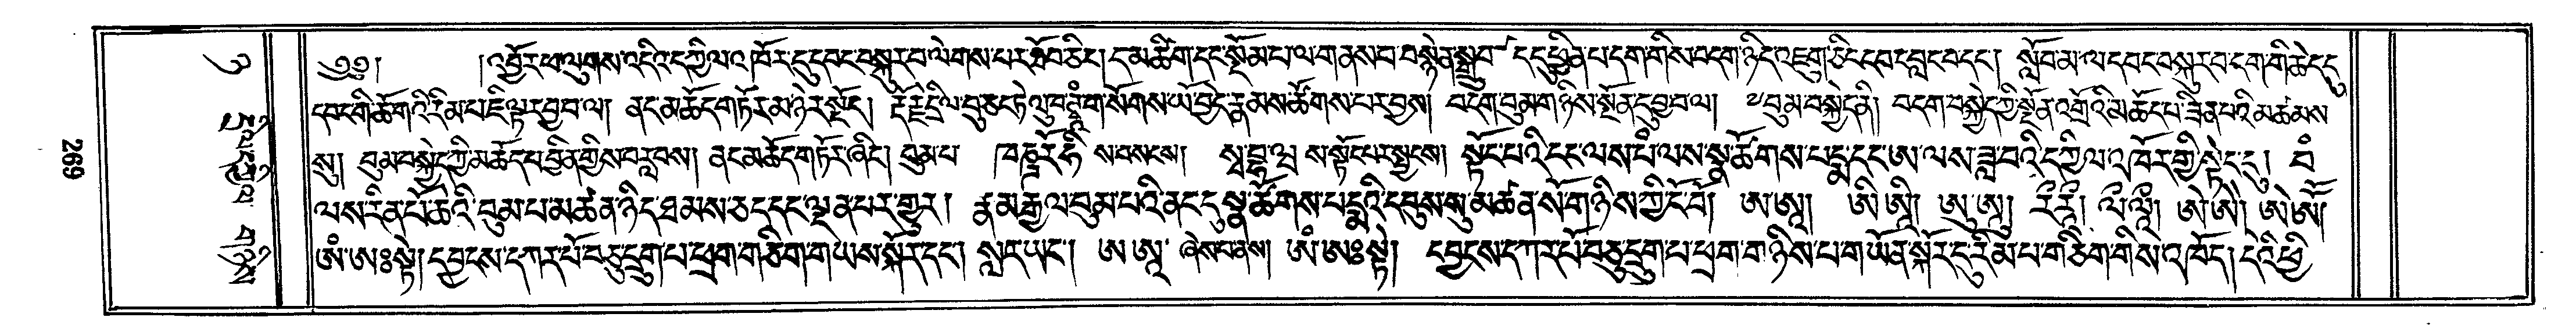༄༅། །འབྱོར་པ་ལུགས་འདིའི་དཀྱིལ་འཁོར་དུ་དབང་བསྐུར་བ་ལེགས་པར་ཐོབ་ཅིང་། དམ་ཚིག་དང་སྔོམ་པ་ལ་གནས་བ་བསྙེན་སྒྲུབ་ཚད་དུ་ཕྱིན་པ་དག་གིས་བདག་ཉིད་འཇུག་ཅིང་དབང་བླང་བ་དང་། སློབ་མ་ལ་དབང་བསྐུར་བ་དག་གི་ཆེད་དུ་
དབང་གི་ཆོ་གའི་རིམ་པ་ཇི་ལྟར་བྱ་བ་ལ། ནང་མཆོད་གཏོར་མ་ཉེར་སྤྱོད། རྡོ་རྗེ་དྲིལ་བུ་ཅང་ཏེའུ་ཁ་ཊྭའི་ག་སོགས་ཡོ་བྱང་རྣམས་ཚོགས་པར་བྱས། བདག་བུམ་གཉིས་སྔོན་དུ་བྱ་བ་ལ། ༧་བུམ་བསྐྱེད་ནི། བདག་བསྐྱེད་ཀྱི་སྔོན་འགྲོའི་མཆོད་པ་ཟིན་པའི་མཚམས་
སུ༑ བུམ་བསྐྱེད་ཀྱི་མཆོད་པ་བྱིན་གྱིས་བརླབས། ནང་མཆོད་གཏོར་ཞིང་། བུམ་པ༑ ཁཎྜ་རོ་ཧི་ས་བསངས། སྭ་བྷཱ་ཝ་ས་སྟོང་བར་སྦྱངས། སྟོང་པའི་དང་ལས་པཾ་ལས་སྣ་ཚོགས་པདམ་དང་ཨ་ལས་ཟླ་བའི་དཀྱིལ་འཁོར་གྱི་སྟེང་དུ། བཾ་
ལས་རིན་པོ་ཆེའི་བུམ་པ་མཚན་ཉིད་ཐམས་ཅད་དང་ལྡན་པར་བགྱུར། རྣམ་རྒྱལ་བུམ་པའི་ནང་དུ་སྣ་ཚོགས་པདམའི་དབུས་སུ་མཚན་སོ་གཉིས་ཀྱི་ངོ་བོ། ཨ་ཨཱ། ཨི་ཨཱི། ཨུ་ཨཱུ། རྀ་རཱྀ། ལྀ་ལཱྀ། ཨེ་ཨཻ་ཨེ་ཨཽ།
ཨཾ་ཨཿ སྟེ། དབྱངས་དཀར་པོ་བཅུ་དུག་པ་ཕྲག་གཅིག་གཡས་སྐོར་དང་། སླར་ཡང་། ཨ་ཨཱ་ཞེས་པ་ནས། ཨོཾ་ཨཿ སྟེ། དབྱ་དཀར་པོ་བཅུ་དྲུག་པ་ཕྲག་གནས་པ་གཡོན་སྐོར་དུ་རིམ་པ་གཅིག་གིས་འཁོད། དེའི་ཕྱི་